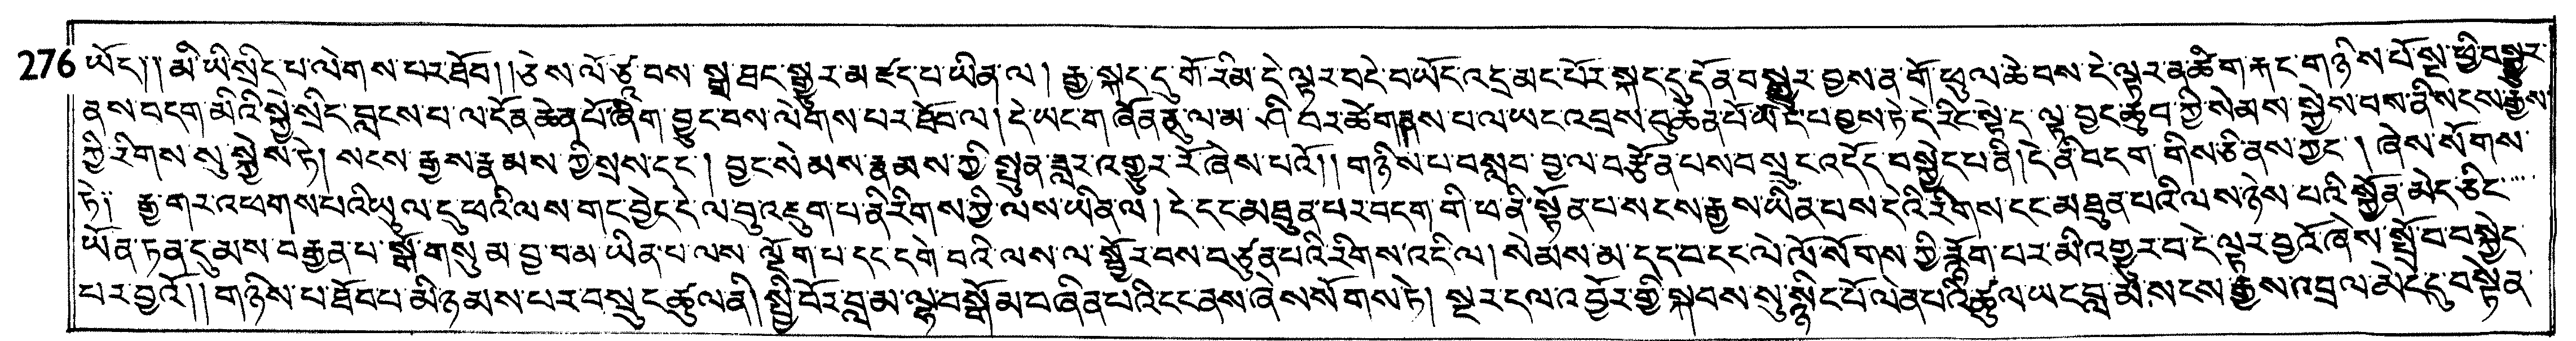ཡོད༑ ༑མི་ཡི་སྲིད་པ་ལེགས་པར་ཐོབ། །ཅེས་ལོ་ཙཱ་བས་སྒྲ་ཐང་སྒྱུར་མཛད་པ་ཡིན་ལ། རྒྱ་སྐད་དུ་གོ་རིམ་དེ་ལྟར་བདེ་བ་ཡོད་འདྲ་མང་པོར་སྐད་དུ་དོན་བསྒྱུར་བྱས་ན་གོ་ཕུལ་ཆེ་བས་དེ་ལྟར་ན་ཚིག་རྐང་གཉིས་པོ་སྔ་ཕྱི་བསྒྱུར་
ནས་བདག་མིའི་སྐྱེ་སྲིད་བླངས་པ་ལ་དོན་ཆེན་པོ་ཞིག་བྱུང་བས་ལེགས་པར་ཐོབ་ལ། དེ་ཡང་གཞོན་ནུ་ལ་མ་ཤི་བར་ཚེ་གནས་པ་ལ་ཡང་འབྲས་བུ་ཆེན་པོ་ཡོད་པ་བྱས་ཏེ་དེ་རིང་སྟེ་ད་ལྟ་བྱང་ཆུབ་ཀྱི་སེམས་སྐྱེས་པས་ནི་སངས་རྒྱས་
ཀྱི་རིགས་སུ་སྐྱེས་ཏེ། སངས་རྒྱས་རྣམས་ཀྱི་སྲས་དང་། བྱང་སེམས་རྣམས་ཀྱི་སྤུན་ཟླར་འགྱུར་རོ་ཞེས་པའོ། །གཉིས་པ་བསླབ་བྱ་ལ་བརྩོན་པས་བསྲུང་འདོད་བསྐྱེད་པ་ནི། དེ་ནི་བདག་གིས་ཅི་ནས་ཀྱང་། ཞེས་སོགས་
ཏེ༑ རྒྱ་གར་འཕགས་པའི་ཡུལ་དུ་ཕའི་ལས་གང་བྱེད་དེ་ལ་བུ་འཇུག་པ་ནི་རིགས་ཀྱི་ལས་ཡིན་ལ། དེ་དང་མཐུན་པར་བདག་གི་ཕ་ནི་སྟོན་པ་སངས་རྒྱས་ཡིན་པས་དེའི་རིགས་དང་མཐུན་པའི་ལས་ཉེས་པའི་སྐྱོན་མེད་ཅིང་
ཡོན་ཏན་དུ་མས་བརྒྱན་པ་སྒོ་གསུམ་བྱ་བ་མ་ཡིན་པ་ལས་ལྡོག་པ་དང་དགེ་བའི་ལས་ལ་སྦྱོར་བས་བཙུན་པའི་རིགས་འདི་ལ། སེམས་མ་དད་བ་དང་ལེ་ལོ་སོགས་ཀྱི་རྙོག་པར་མི་འགྱུར་བ་དེ་ལྟར་བྱའོ་ཞེས་སྤྲོ་བ་བསྐྱེད་
པར་བྱའོ། །གཉིས་པ་ཐོབ་པ་མི་ཉམས་པར་བསྲུང་ཚུལ་ནི། སྤྱི་བོར་བླ་མ་ལྷ་བསྒོམ་བཞིན་པའི་ངང་ནས་ཞེས་སོགས་ཏེ། སྔར་དལ་འབྱོར་གྱི་སྐབས་སུ་སྙིང་པོ་ལེན་པའི་ཚུལ་ཡང་བླ་མ་སངས་རྒྱས་འབྲལ་མེད་དུ་བསྟེ་